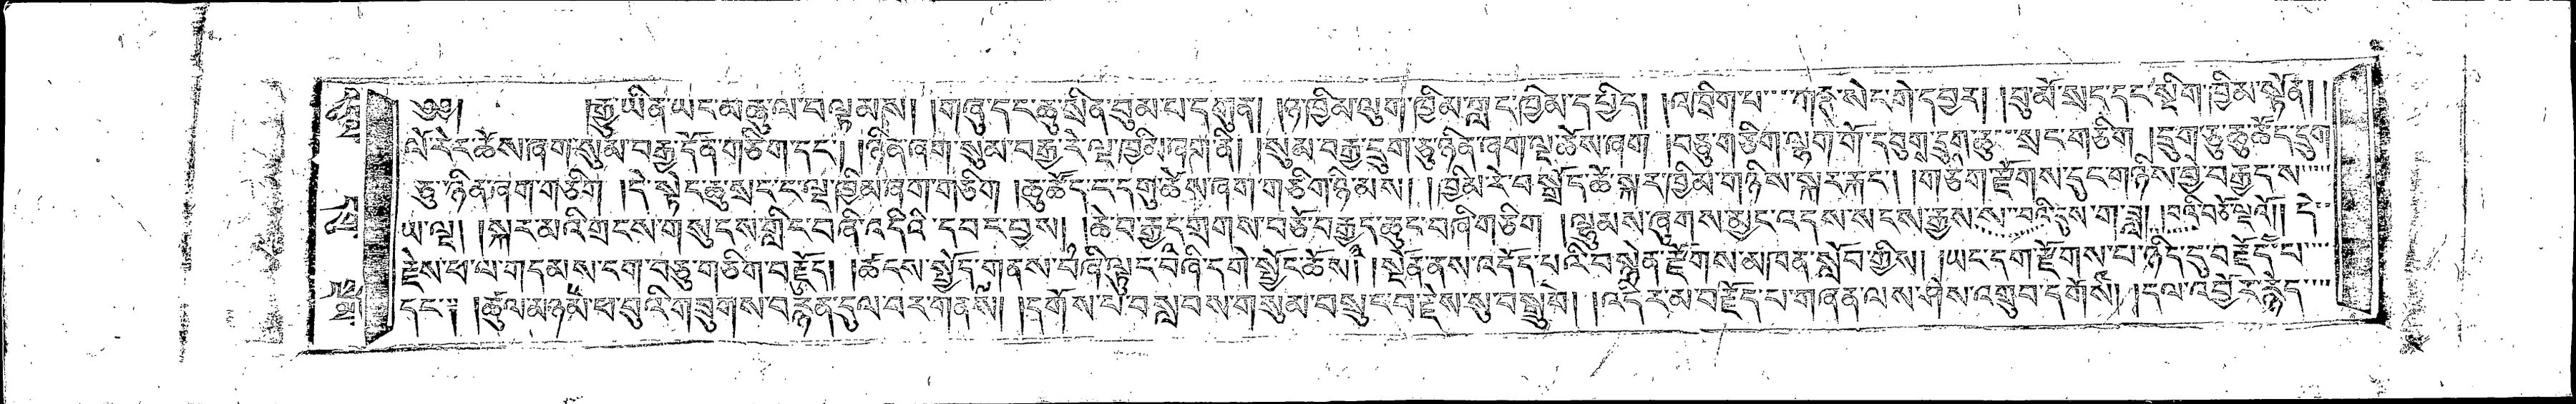༄༅། །རྒྱུ་ཡིན་ཡང་མཆུ་ལ་བལྟམས། །གཞུ་དང་ཆུ་སྲིན་བུམ་པ་དགུན། །ཉ་ཁྱིམ་ལུག་ཁྱིམ་གླང་ཁྱིམ་དཔྱིད། །འཁྲིག་པ་ཀརྚ་སེང་གེ་དབྱར། །བུ་མོ་སྲང་དང་སྡིག་ཁྱིམ་སྟོན། །
ལོ་རེར་ཚེས་ཞག་སུམ་བརྒྱ་དོན་གཅིག་དང་། །ཉིན་ཞག་སུམ་བརྒྱ་རེ་ལྔ་ཁྱིམ་ཞག་ནི། །སུམ་བརྒྱ་དྲུག་ཅུ་ཉིན་ཞག་ལྔ་ཚེས་ཞག །བཅུ་གཅིག་ལྷག་གོ་དབུགས་དྲུག་ཆུ་སྲང་གཅིག །དྲུག་ཅུ་ཆུ་ཚོད་དྲུག་
ཅུ་ཉིན་ཞག་གཅིག །དེ་སྟེང་ཆུ་སྲང་ང་ལྔ་ཁྱིམ་ཞག་གཅིག །ཆུ་ཚོད་ང་དགུ་ཚེས་ཞག་གཅིག་ཉི་མས། །ཁྱིམ་རེ་བསྒྲོད་ཚེ་སྐར་ཁྱིམ་གཉིས་སྐར་རྐང་། །གཅིག་རྫོགས་དུང་གཉིས་བྱེ་བརྒྱད་ས་
ཡ་ལྔ། །སྐར་མའི་གྲངས་གསུངས་གླིང་བཞི་འདིའི་དབང་བྱས། །ཆེ་བ་རྒྱད་གྲགས་བཅོ་བརྒྱད་ཆུང་བཞི་གཅིག །ལྷུམས་ཞུགས་མྱང་འདས་སངས་རྒྱས་ས་བའི་དུས་ག་ཟླ། །བའི་བཅོ་ལྔའོ། དེ་
རྗེས་ཕ་ལ་གདམས་དག་བཅུ་གཅིག་བརྗོད། །ཚངས་སྤྱོད་གནས་བཞི་ལྟུང་བཞི་དགེ་སྤྱོང་ཆོས། །སྔོན་ནས་འདོད་པའི་བསྙེན་རྫོགས་མཁན་སློབ་གྱིས། །ཡང་དག་རྫོགས་པ་ཉིད་དུ་བརྗོད་པ་
དང༑ །ཚུལ་མཉམ་ཕ་བུའི་གཟུགས་བརྙན་དུལ་བར་གནས། །དགོས་པ་བསླབས་གསུམ་བསྲུང་བ་རྗེས་སུ་བསྒྲུབ། །འདིར་མ་བརྗོད་པ་གཞན་ལས་ཤེས་འགྲུབ་དགོས། །དལ་འབྱོར་རྙེད་